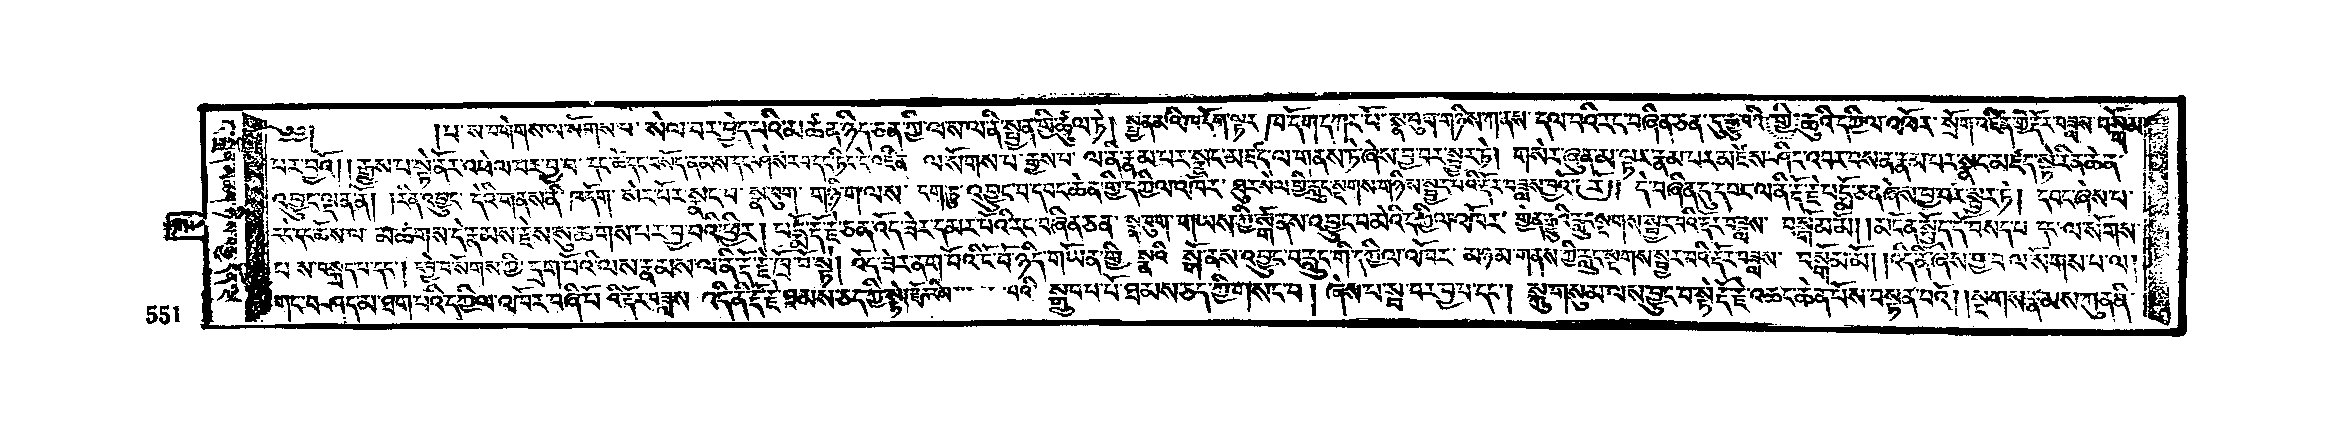༄༅། །པས་བགེགས་ལ་སོགས་པ་སེལ་བར་བྱེད་པའི་མཚན་ཉིད་ཅན་གྱི་ལས་ལ་ནི་སྤྱན་གྱི་ཚུལ་ཏེ། སྤྱན་མའི་ཁ་དོག་ལྟར་ཁ་དོག་དཀར་པོ་སྣ་བུག་གཉིས་ཀ་ནས་དལ་བའི་རང་བཞིན་ཅན་དུ་རྒྱུ་བའི་གྱི་ཆུའི་དཀྱིལ་འཁོར་སྲོག་འཛིན་གྱི་རྡོར་བཟླས་བསྒོམ་
པར་བྱའོ། །རྒྱས་པ་སྟེ་ནོར་འཕེལ་བར་བྱ་བ་དང་ཚེ་དང་བསོད་ནམས་དང་ཤེས་རབ་དང་ཏིང་ངེ་འཛིན་ལ་སོགས་པ་རྒྱས་པ་ལ་ནི་རྣམ་པར་སྣང་མཛད་ལ་གནས་ཏེ་ཞེས་བྱ་བར་སྦྱར་ཏེ། གསེར་ཞུན་མ་ལྟར་རྣམ་པར་མཛེས་ཤིང་འབར་བས་ན་རྣམ་པར་སྣང་མཛད་སྟེ་རིན་ཆེན་
འབྱུང་ལྡན་ནོ། །རིན་འབྱུང་དེའི་གནས་ནི་ཁ་དོག་སེར་པོར་སྣང་བ་སྣ་བུག་གཉི་ག་ལས་ངག་ཏུ་འབྱུང་བ་དབང་ཆེན་གྱི་དཀྱིལ་འཁོར་ཐུར་སེལ་གྱི་རླུང་སྔགས་གཉིས་སྦྱར་བའི་རྡོར་བཟླས་བྱའོ་རོ། དེ་བཞིན་དུ་དབང་ལ་ནི་རྡོ་རྗེ་པདམོ་ཅན་ཞེས་བྱ་བར་སྦྱར་ཏེ། དབང་ཞེས་པ་
རང་དང་ཆོས་ལ་མ་ཆགས་དེ་རྣམས་རྗེས་སུ་ཆགས་པར་བྱ་བའི་ཕྱིར། པདམོ་རྡོ་རྗེ་ཅན་འོད་ཟེར་དམར་པོའི་རང་བཞིན་ཅན་སྣ་བུག་གཡས་ཀྱི་སྒོ་ནས་འབྱུང་བ་མེའི་དཀྱིལ་འཁོར་གྱེན་རྒྱུའི་རླུང་སྔགས་སྦྱར་བའི་རྡོར་བཟླས་བསྒོམ་མོ། །མངོན་སྤྱོད་དེ་བསད་པ་དང་ལ་སོགས་
པས་བསྐྲད་པ་དང་། དབྱེ་བ་སོས་ཀྱི་དྲག་པོའི་ལས་རྣམས་ལ་ནི་རྡོ་རྗེ་ཁྲོ་བོ་སྟེ། འོད་ཟེར་ནག་པོའི་ངོ་བོ་ཉིད་གཡོན་གྱི་སྣའི་སྒོ་ནས་འབྱུང་བ་རླུང་གི་དཀྱིལ་འཁོར་མཉམ་གནས་ཀྱི་རླུང་སྔགས་སྦྱར་བའི་རྡོར་བཟླས་བསྒོམ་མོ། །འདི་ནི་ཞེས་བྱ་བ་ལ་སོགས་པ་ལ།
གང་བཤད་མ་ཐག་པའི་དཀྱིལ་འཁོར་བཞི་པོའི་རྡོར་བཟླས་འདི་ནི་རྡོ་རྗེ་ཐམས་ཅད་ཀྱི་སྟེ། རྫོགས་རིམ་པའི་སྒྲུབ་པ་པོ་ཐམས་ཅད་ཀྱི་གསང་བ། ཞེས་པ་སྦ་བར་བྱ་བ་དང་། སྐུ་གསུམ་ལས་བྱུང་བ་སྟེ་རྡོ་རྗེ་འཆང་ཆེན་པོས་བསྟན་པའོ། །སྔགས་རྣམས་ཀུན་ནི་